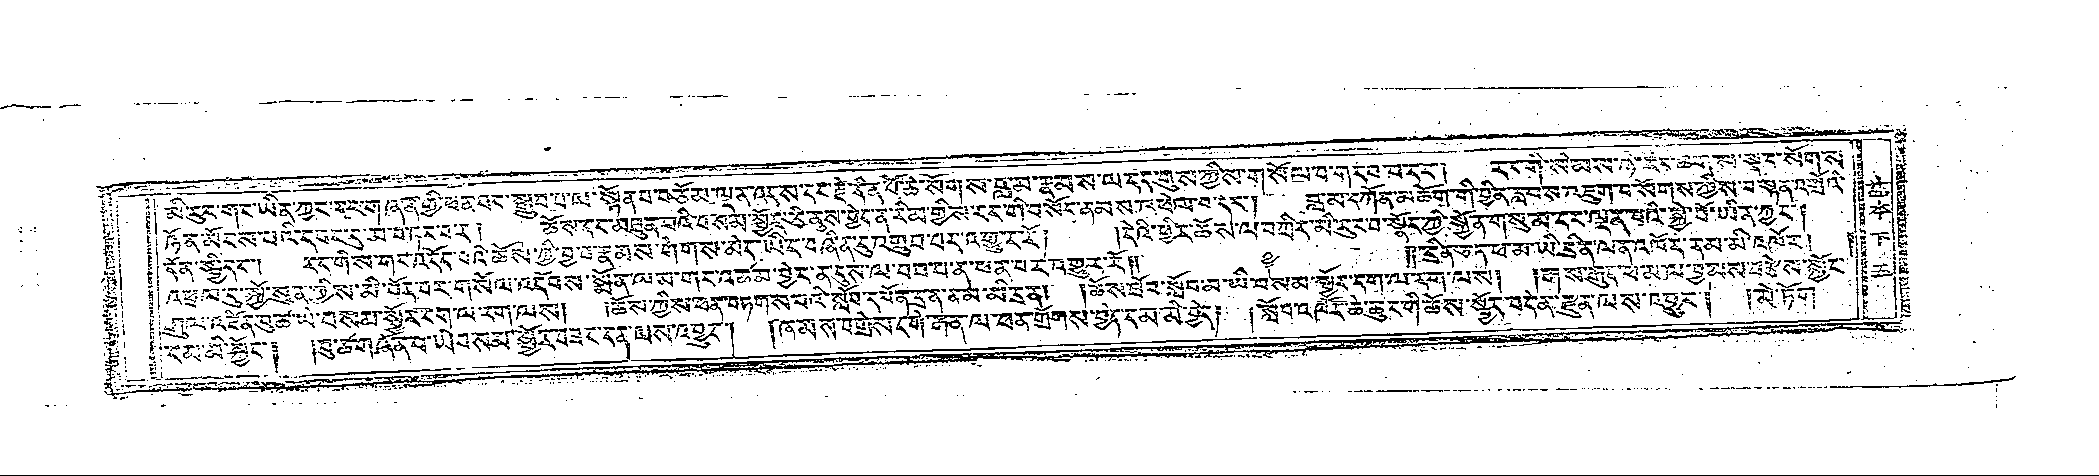མི་རུང་གང་ཡིན་ཀྱང་རང་གཞན་གྱི་ཕན་པར་སྒྲུབ་པ་ལ་སྟོན་པ་བཅོམ་ལྡན་འདས་དང་རྗེ་རིན་པོ་ཆེ་སོགས་བླ་མ་རྣམས་ལ་དང་གུས་ཀྱིས་གསོལ་བ་གང་བ་པ་དང་། རང་གི་སེམས་ཉེ་རིང་ཆགས་སྡང་སོགས་
ཉོན་མོངས་པའི་དབང་དུ་མ་བཏང་བར། ཆོས་དང་མཐུན་པའི་བསམ་སྦྱོན་ཅི་ནས་བྱེད་ན་རིམ་གྱིས་རང་གི་བསོད་ནམས་འཕེལ་བ་དང་། བླ་མ་དཀོན་མཆོག་གི་བྱིན་རླབས་འཇུག་པ་སོགས་ཀྱིས་བསྟན་འགྲོའི་
དོན་སྤྱི་དང་། རང་གིས་གང་འདོད་པའི་ཆོས་ཀྱི་བྱ་བ་རྣམས་གེགས་མེད་ཡིད་བཞིན་དུ་འགྲུབ་བར་འགྱུར་རོ། །དེའི་ཕྱིར་ཆོས་ལ་ཡིད་མི་རུང་བ་སྣོད་ཀྱི་སྐྱོན་གསུམ་དང་ལྡན་པའི་རྒྱལ་ཡིན་ཀྱང་།
འཕྲལ་དུ་སྐྱོ་སུན་ཀྱིས་མི་བོར་བར་གསོལ་འདེབས་སྨོན་ལམ་གང་འཚམ་བྱེད་ན་དུས་ལ་བབ་པན་ཕན་པར་འགྱུར་རོ།། ༈ །།དྲིན་ཅན་ཕ་མ་ཡི་དྲིན་ལན་འཁོར་ནམ་མི་འཁོར།
ཤུལ་འཛེན་བུ་ཚ་ལ་བསམ་སྦྱོར་དག་ལ་རག་ལས། །ཆོས་ཀྱིས་ཕན་བཏགས་པའི་སློབ་དཔོན་དན་ནམ་མི་དྲན། ཆོས་ཐོབ་སློབ་མ་ཡི་བསམ་སྤྱོད་དག་ལ་རག་ལས། །གས་རྒུད་པ་མ་ལ་བྱམས་བརྩམས་སྐྱོང་
དམ་མི་སྐྱོད། །བུ་ཚ་གཞོན་པ་ཡི་བསམ་སྦྱོར་བཟང་ངན་ལས་འབྱུང་། །ཞམས་བགྲེས་དགེ་རྒན་ལ་ཕན་གྲོགས་བྱེད་དམ་མི་བྱེད། །སློབ་འཁོར་ཆེ་ཆུང་གི་ཆོས་སྦྱོད་བདེན་རྫུན་ལས་འབྱུང་། །མེ་ཏོག་